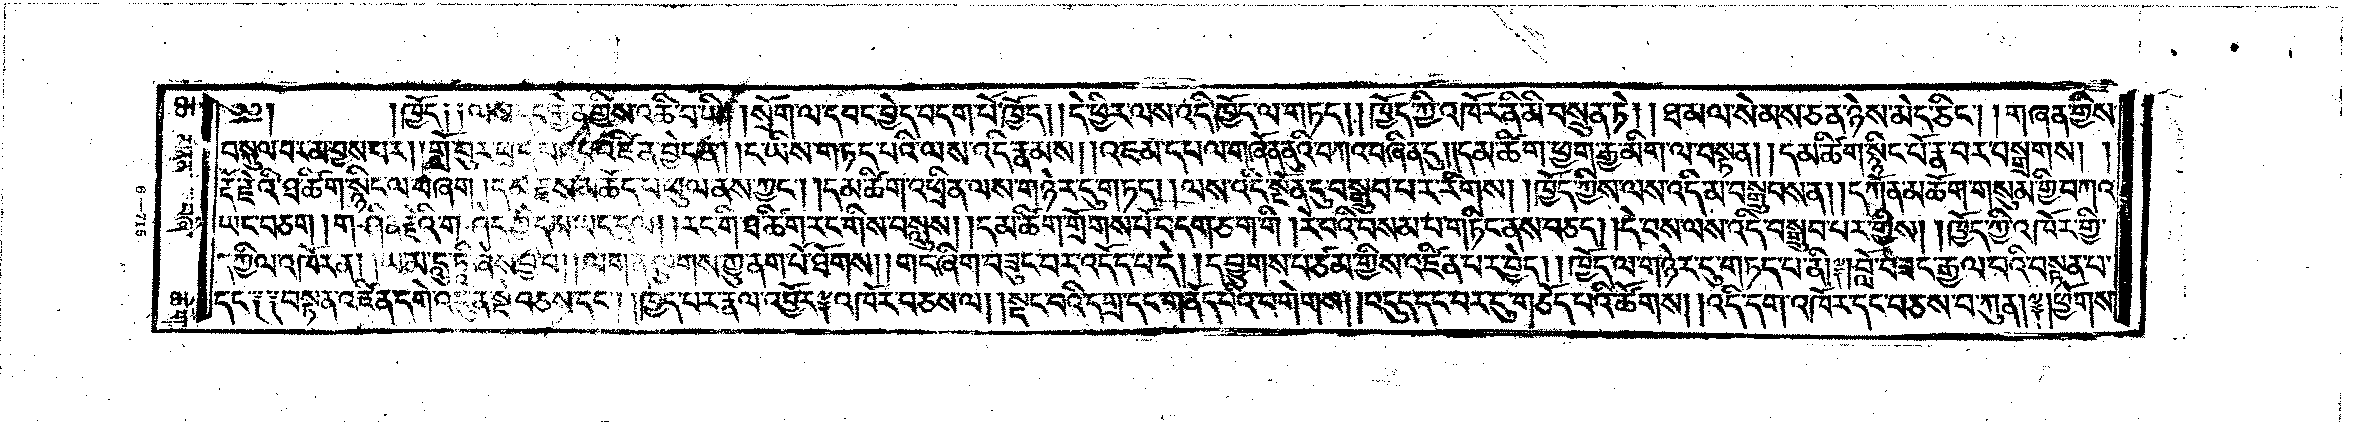༄༅། །ཁྱོད༑ ༑ལས་དང་རྐྱེན་གྱིས་འཆི་བ་ཡི། །སྲོག་ལ་དབང་བྱེད་བདག་པོ་ཁྱོད། །དེ་ཕྱིར་ལས་འདི་ཁྱོད་ལ་གཏད། །ཁྱོད་ཀྱི་འཁོར་ནི་མི་བསྲུན་ཏེ། །ཐ་མལ་སེམས་ཅན་ཉེས་མེད་ཅིང་། །གཞན་གྱིས་
བསྐུལ་བར་མ་བྱས་པར། །གློ་བུར་ཕྲད་པའང་འཛིན་བྱེད་ན། །ང་ཡིས་གཏད་པའི་ལས་འདི་རྣམས། །འཇམ་དཔལ་གཞོན་ནུའི་བཀའ་བཞིན་དུ། །དམ་ཚིག་ཕྱག་རྒྱ་མིག་ལ་བསྟན། །དམ་ཚིག་སྙིང་པོ་རྣ་བར་བསྒྲགས། །
རྡོ་རྗེའི་ཐ་ཚིག་སྙིང་ལ་བཞག །དམ་རྫས་མཆོད་པ་ཕུལ་ནས་ཀྱང་། །དམ་ཚིག་འཕྲིན་ལས་གཉེར་དུ་གཏད། །ལས་འདི་སྔོན་དུ་བསྒྲུབ་པར་རིགས། །ཁྱོད་ཀྱིས་ལས་འདི་མ་བསྒྲུབས་ན། །དཀོན་མཆོག་གསུམ་གྱི་བཀའ་
ཡང་བཅག །གཤིན་རྗེའི་གཤེད་ཀྱི་དམ་ཡང་དྲལ། །རང་གི་ཐ་ཚིག་རང་གིས་བསླུས། །དམ་ཚིག་གྲོགས་པོ་བདག་ཅག་གི །རེ་བའི་བསམ་པ་གཏིང་ནས་བཅད། །དེ་བས་ལས་འདི་བསྒྲུབ་པར་གྱིས། །ཁྱོད་ཀྱི་འཁོར་གྱི་
དཀྱིལ་འཁོར་ན། །ཡ་མ་དཱུ་ཏཱི་ཞེས་བྱ་བ། །ལག་ན་ལྕགས་ཀྱུ་ནག་པོ་ཐོགས། །གང་ཞིག་བཟུང་བར་འདོད་པ་དེ། །དབྱུགས་པ་ཙམ་གྱིས་འཛིན་པར་བྱེད། །ཁྱོད་ལ་གཉེར་དུ་གཏད་པ་ནི། ༈ །བློ་བཟང་རྒྱལ་པའི་བསྟན་པ་
དང༑ ༑བསྟན་འཛིན་དགེ་འདུན་སྡེ་བཅས་དང་། །ཁྱད་པར་རྣལ་འབྱོར་༈ འཁོར་བཅས་ལ། །སྡང་བའི་དགྲ་དང་གནོད་པའི་བགེགས། །བདུད་དང་བར་དུ་གཅོད་པའི་ཚོགས། །འདི་དག་འཁོར་དང་བཅས་པ་ཀུན། ༈ །ཕྱོགས་